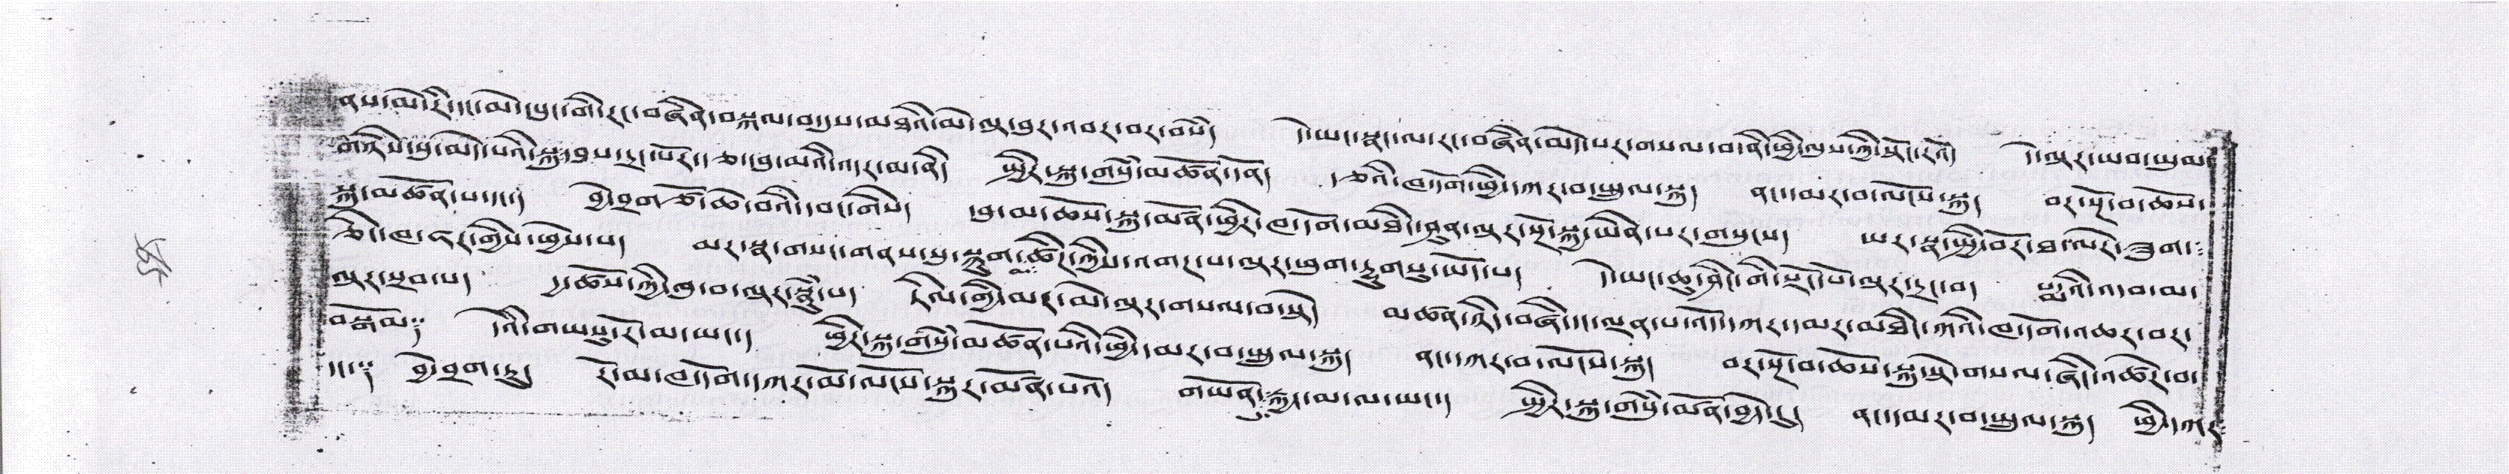ནས་མེ་རི་དང་མེ་དཔུང་གི་རང་བཞིན་བསྐལ་པ་དུས་མཐའི་མེ་ལྟར་འབར་བར་བསམ། དེ་ཡང་སྣང་ལ་རང་བཞིན་མེད་པར་གསལ་བ་ནི་ཕྱི་ལུས་ཀྱི་སྟོང་རའོ། དེ་ལྟར་ཡབ་ཡུམ་
གཉིས་སུ་མེད་པའི་སྐུ་དབུས་དྲང་པོར་རྩ་དབུ་མའི་འདར་མ་ནི། སྤྱིར་སྐུ་གསུམ་མཚོན་ནོ། རྩ་ཡི་ཁ་དོག་ཕྱི་དཀར་བ་སྤྲུལ་སྐུ། ནང་དམར་བ་ལོངས་སྐུ། བར་སྔོ་བ་ཆོས་
སྐུ་མཚོན་པ་དང་། བྱེ་བྲག་གཙོ་ཆེ་བའི་དབང་གིས། དབུ་མ་ཆོས་སྐུ་མཚོན་ཕྱིར་ཁ་དོག་མཐིང་ཤུན་ལྟར་སྔོ་སྐྱ་ཡིན་པར་གསུངས། ཡར་སྣ་སྤྱི་བོར་ཐ་ལེར་ཟུག་
ཅིང་ཁ་ཧར་གྱིས་ཕྱེས་པ། མར་སྣ་གསང་གནས་སུ་སྙུག་ཚིགས་ཀྱིས་འགག་པ་ལྟར་ཕུག་རྡུགས་སུ་ཡོད་པ། དེ་ཡང་ཆུ་ཤིང་གི་སྡོང་པོ་ལྟར་དྲང་བ། པདྨའི་འདབ་མ་
ལྟར་སྲབ་པ། རྒྱ་ཚོས་ཀྱི་ཁུ་བ་ལྟར་སྣུམ་པ། ཏིལ་གྱི་མར་མེ་ལྟར་གསལ་བ་སྟེ། མཚན་ཉིད་བཞི་དང་ལྡན་པ། འོད་དཀར་དམར་མཐིང་གའི་ཁ་དོག་འཆར་བར་
བསྒོམ། དེའི་གཡས་སུ་རོ་མ་ཡང་། ཕྱིར་སྐུ་གསུམ་མཚོན་པའི་ཕྱིར་དམར་བ་སྤྲུལ་སྐུ། ནང་དཀར་བ་ལོངས་སྐུ། བར་སྔོ་བ་ཆོས་སྐུ་སྟེ་གསལ་ཞིང་འཚེར་བ་
དང་བྱེ་བྲག་ཏུ། རོ་མ་ཁ་དོག་དཀར་མོ་ལོངས་སྐུར་མཚོན་པའོ། གཡོན་དུ་རངྐྱང་མ་ལ་ཡང་། སྤྱིར་སྐུ་གསུམ་མཚོན་བྱེད་དུ་ནང་དམར་མ་བ་སྤྲུལ་སྐུ། ཕྱི་དཀར་